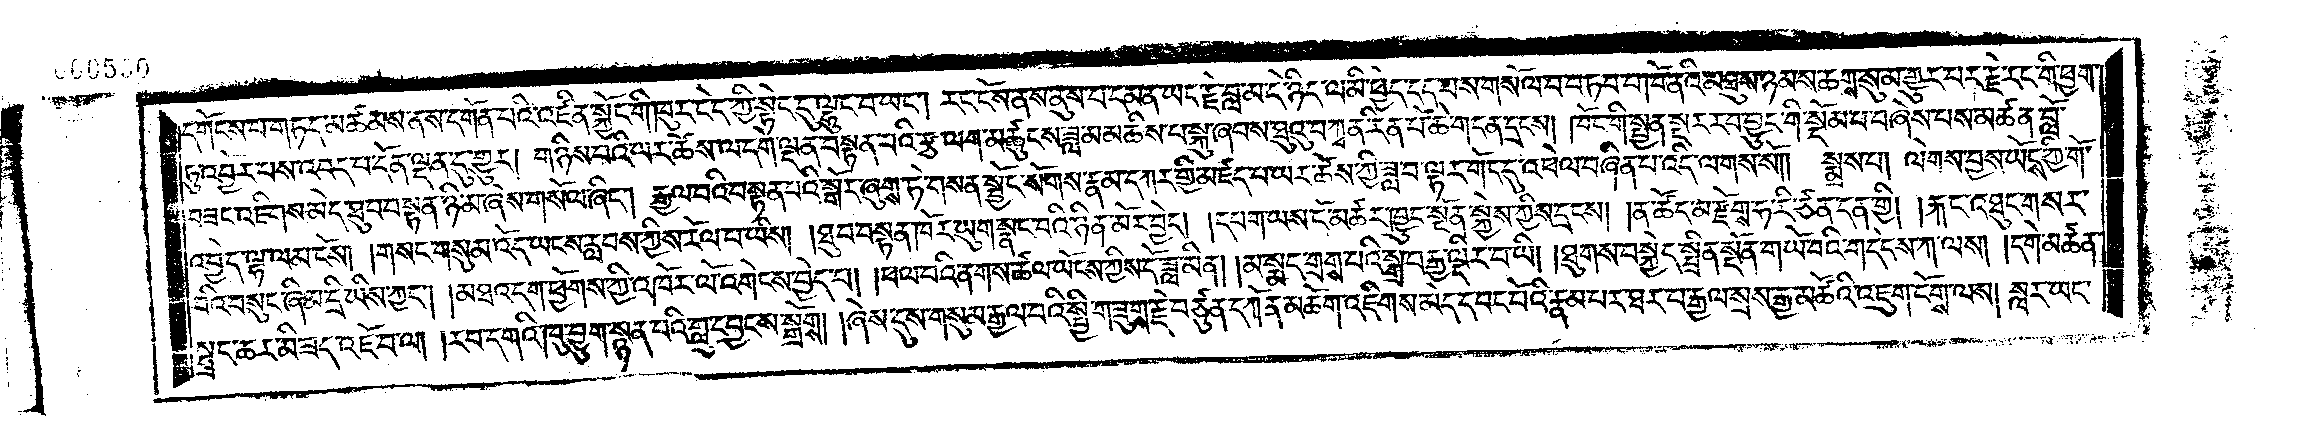དགོངས་པ་གཏད་མཚམས་ནས་དགོན་པའི་འཛིན་སྐྱོང་གི་ཁུར་ངེད་ཀྱི་སྟེང་དུ་ལྷུང་བ་ཡང་། རང་ངོས་ནས་ནུས་པ་དམན་ཡང་རྗེ་བླ་མ་དེ་ཉིད་ལ་མི་ཕྱེད་དད་པས་གསོལ་བ་བཏབ་པ་ཁོ་ནའི་མཐུས་ཉམས་ཆགས་སུ་མ་གྱུར་པར་རྗེ་རང་གི་ཕྱག་
ཏུ་འབྱོར་པས་འབད་པ་དོན་ལྡན་དུ་གྱུར། གཉིས་པའི་ཡར་ཚེས་ལ་དགེ་ལྡན་བསྟན་པའི་རྩ་ལག་མཚུངས་ཟླ་མ་མཆིས་པ་སྐུ་ཞབས་ཐུའི་བཀྭན་རིན་པོ་ཆེ་གདན་དྲངས། ཁོང་གི་སྤྱན་སྔར་རབ་བྱུང་གི་སྡོམ་པ་བཞེས་པས་མཚན་བློ་
བཟང་འཇིགས་མེད་ཐུབ་བསྟན་ཉི་མ་ཞེས་གསོལ་ཞིང་། རྒྱལ་བའི་བསྟན་པའི་སྒོར་ཞུགས་ཏེ་གསན་སྦྱོང་སོགས་རྣམས་དཀར་གྱི་མཛད་པ་ཡར་ཚེས་ཀྱི་ཟླ་བ་ལྟར་གོང་དུ་འཕེལ་བཞིན་པ་འདི་ལགས་སོ།། སྨྲས་པ། ལེགས་བྱས་ཡོངས་ཀྱི་གོ་
འབྱེད་ལྷ་ལམ་ངོས། །གསང་གསུམ་འོད་ཡངས་རླབས་ཀྱིས་རོལ་པ་ཡིས། །ཐུབ་བསྟན་ཁོར་ཡུག་སྣང་བའི་ཉིན་མོང་བྱེད། །དཔག་ཡས་ངོ་མཚར་ཁྱུང་སྔོན་སྐྱེས་ཀྱིས་དྲངས། །ན་ཚོད་མ་རྫོགས་ཧ་རི་ཙན་དན་གྱི། །རྐང་འཐུང་གསར་
བའི་བསུང་ཞིམ་དྲི་ཡིས་ཀྱང་། །མཐའ་དག་ཕྱོགས་ཀྱི་འཁོར་ལོ་འགེངས་བྱེད་པ། །ཕལ་བའི་ནགས་ཚལ་ཡོངས་ཀྱིས་དོ་ཟླ་མིན། །མ་སྨད་གྲགས་པའི་སྒྲ་བརྒྱ་ལྡིར་བ་ཡི། །ཐུགས་བསྐྱེད་སྤྲིན་སྔོན་གཡོ་བའི་གདེངས་ཀ་ལས། །དགེ་མཚན་
སྦྲང་ཆར་མི་ཟད་འཇོ་བ་ལ། །རབ་དགའི་ཁུ་བྱུག་སྙན་པའི་གླུ་དབྱངས་སྒྲོགས། །ཞེས་དུས་གསུམ་རྒྱལ་བའི་སྤྱི་གཟུགས་རྗེ་བཙུན་དཀོན་མཆོག་འཇིགས་མེད་དབང་པོའི་རྣམ་པར་ཐར་པ་རྒྱལ་སྲས་རྒྱ་མཚོའི་འཇུག་ངོགས་ལས། སླར་ཡང་